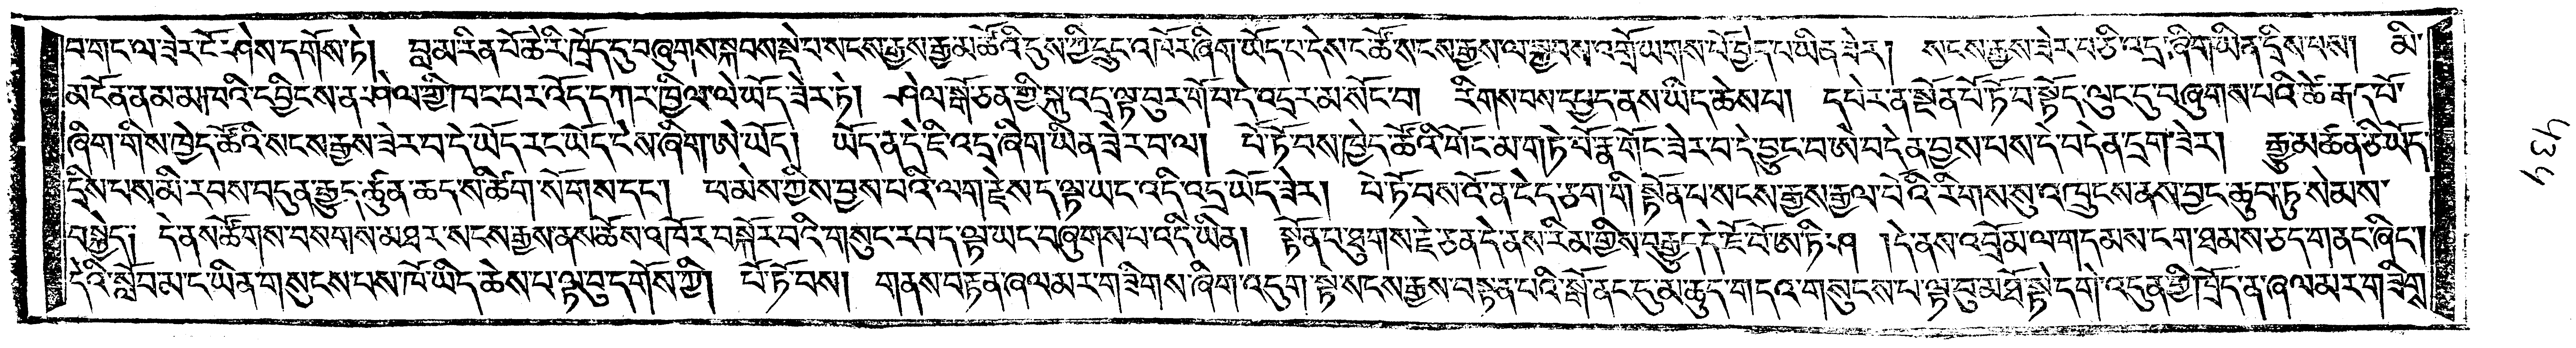བ་གང་ལ་ཟེར་ངོ་ཤེས་དགོས་ཏེ། བླ་མ་རིན་པོ་ཆེ་རི་ཁྲོད་དུ་བཞུགས་སྐབས་སྡེ་པ་སངས་རྒྱས་རྒྱ་མཚོའི་དུས་ཀྱི་དྲུང་འཁོར་ཞིག་ཡོད་པ་དེ་སངས་ཚོ་སངས་རྒྱས་ལ་སྐྱབས་འགྲོ་ཡགས་པོ་བྱེད་པ་ཡིན་ཟེར། སངས་རྒྱས་ཟེར་བ་ཅི་འདྲ་ཞིག་ཡིན་དེས་པས། མི་
མངོན་ནམ་མཁའི་དབྱིངས་ན་ཤེལ་གྱི་ཁང་པར་འོད་དཀར་ཁྱིལ་ལེ་ཡོད་ཟེར་ཏེ། ཤེལ་སྒོ་ཅན་གྱི་སྐུ་འདྲ་ལྟ་བུར་གོ་བ་དེ་འདྲར་མ་སོང་བ། རིགས་པས་དཔྱད་ནས་ཡིད་ཆེས་པ། དྭྤེར་ན་སྔོན་པོ་ཏོ་བསྟོད་ལུང་དུ་བཞུགས་པའི་ཚེ་རྒད་པོ་
ཞིག་གིས་ཁྱེད་ཚོའི་སངས་རྒྱས་ཟེར་བ་དེ་ཡོད་རང་ཡོད་ངེས་ཞིག་ཨེ་ཡོད། ཡོད་ན་དེ་ཇི་འདྲ་ཞིག་ཡིན་ཟེར་བ་ལ། པོ་ཏོ་བས་ཁྱེད་ཚོའི་གོང་མ་གཏེ་པོ་རྣ་གོང་ཟེར་བ་དེ་བྱུང་བ་ཨེ་བདེན་བྱས་པས་དེ་བདེན་དྲག་ཟེར། རྒྱུ་མཚན་ཅི་ཡོད་
དྲིས་པས་མི་རབས་བདུན་རྒྱུད་ཚུན་ཆང་ས་ཚིག་སོགས་དང་། ཕ་མེས་ཀྱིས་བྱས་པའི་ལག་རྗེས་ད་ལྟ་ཡང་འདི་འདྲ་ཡོད་ཟེར། པོ་ཏོ་བས་འོ་ན་ངེད་ཅག་གི་སྟོན་པ་སངས་རྒྱས་རྒྱལ་པོའི་རིགས་སུ་འཁྲུངས་ནས་བྱང་ཆུབ་ཏུ་སེམས་
བསྐྱེད༑ དེ་ནས་ཚོགས་བསགས་མཐར་སངས་རྒྱས་ནས་ཆོས་འཁོར་བསྐོར་བའི་གསུང་རབ་ད་ལྟ་ཡང་བཞུགས་པ་འདི་ཡིན། སྟོན་པ་ཐུགས་རྗེ་ཅན་དེ་ནས་རིམ་གྱིས་བརྒྱུད་དེ་ཇོ་བོ་ཨ་ཏི་ཤ་།དེ་ནས་འབྲོམ་ལ་གདམས་ངག་ཐམས་ཅད་གནང་ཞིང་།
དེའི་སློབ་མང་ཡིན་གསུངས་པས་ཁོ་ཡིད་ཆེས་པ་ལྟ་བུ་དགོས་ཀྱི། པོ་ཏོ་བས། གནས་བརྟན་ཞལ་མར་གཟིགས་ཞིག་འདུག་སྟེ་སངས་རྒྱས་བསྟན་པའི་སྒོ་ནང་དུ་མཆུད་གདའ་གསུངས་པ་ལྟ་བུ་མཐོ་སྟེ་དགེ་འདུན་གྱི་ཁྲོད་ན་ཞལ་མར་གཟིགས་